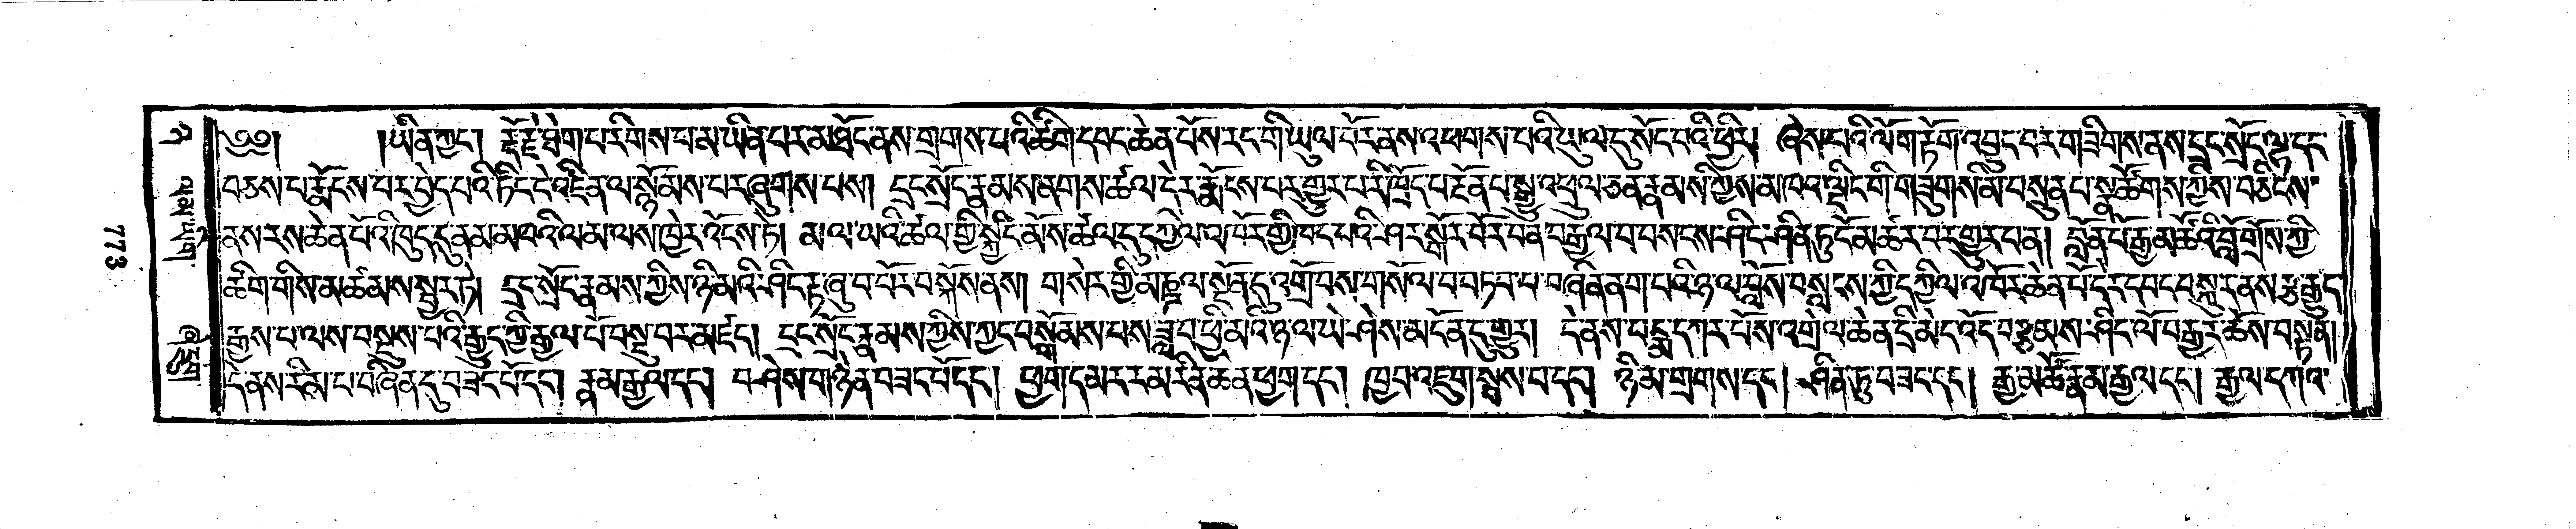༄༅། །ཡིན་ཀྱང་། རྡོ་རྗེ་ཐེག་པ་རིགས་པ་མ་ཡིན་པར་མཐོང་ནས་གྲགས་པའི་ཚིག་དབང་ཆེན་པོས་རང་གི་ཡུལ་བོར་ནས་འཕགས་པའི་ཡུལ་དུ་སོང་བའི་ཕྱིར། ཞེས་པའི་ལོག་རྟོག་འབྱུང་བར་གཟིགས་ནས་དྲང་སྲོང་ལྷ་དང་།
བཅས་པ་རྨོངས་པར་བྱེད་པའི་ཏིང་ངེ་འཛིན་ལ་སྙོམས་པར་ཞུགས་པས། དྲང་སྲོང་རྣམས་ནགས་ཚལ་དེར་རྨོངས་པར་གྱུར་པ་རི་ཁྲོད་པ་རྔོན་པ་སྒྱུ་འཕྲུལ་ཅན་རྣམས་ཀྱིས་མཁའ་ལྡིང་གི་གཟུགས་མི་བསྲུན་པ་སྣ་ཚོགས་ཀྱིས་བཅིངས་
ནས་རས་ཆེན་པོའི་ཁུད་དུ་ནམ་མཁའི་ལམ་ལས་ཁྱེར་འོངས་ཏེ། མལ་ཡའི་ཚལ་གྱི་སྐྱིང་མོས་ཚལ་དུ་དཀྱིལ་འཁོར་གྱི་ཁང་བའི་ཤར་སྒོར་བོར་བན་བརྒྱལ་བ་བསངས་ཤིང་ཤིན་ཏུ་ངོ་མཚར་བར་གྱུར་པ་ན། བློན་པོ་རྒྱ་མཚོའི་བློ་གྲོས་ཀྱི་
ཚིག་གིས་མཚམས་སྦྱར་ཏེ། དྲང་སྲོང་རྣམས་ཀྱིས་ཉི་མའི་ཤིང་རྟ་ཞུ་བ་པོར་བསྐོས་ནས། གསེར་གྱི་མཎྜལ་སྔོན་དུ་འགྲོ་བས་གསོལ་བ་བཏབ་པ་བཞིན་ནག་པའི་ཉ་ལ་བློས་བསླངས་ཀྱི་དཀྱིལ་འཁོར་ཆེན་པོ་དེར་དབང་བསྐུར་ནས་རྩ་རྒྱུད་
རྒྱས་པ་ལས་བསྡུས་པའི་རྒྱུད་ཀྱི་རྒྱལ་པོ་བསྡུ་བར་མཛད། དྲང་སྲོང་རྣམས་ཀྱིས་ཀྱང་བསྒོམས་པས་ཟླ་བ་ཕྱི་མའི་ཉ་ལ་ཡེ་ཤེས་མངོན་དུ་གྱུར། དེ་ནས་པདམ་དཀར་པོས་འགྲེལ་ཆེན་དྲི་མེད་འོད་བརྩམས་ཤིང་ལོ་བརྒྱར་ཆོས་བསྟན།
དེ་ནས་རིམ་པ་བཞིན་དུ་བཟང་པོ་དང་། རྣམ་རྒྱལ་དང་། བཤེས་གཉེན་བཟང་པོ་དང་། ཕྱག་དམར་རམ་རིན་ཆེན་ཕྱག་དང་། ཁྱབ་འཇུག་སྦས་པ་དང་། ཉི་མ་གྲགས་དང་། ཤིན་ཏུ་བཟང་དང་། རྒྱ་མཚོ་རྣམ་རྒྱལ་དང་། རྒྱལ་དཀའ་